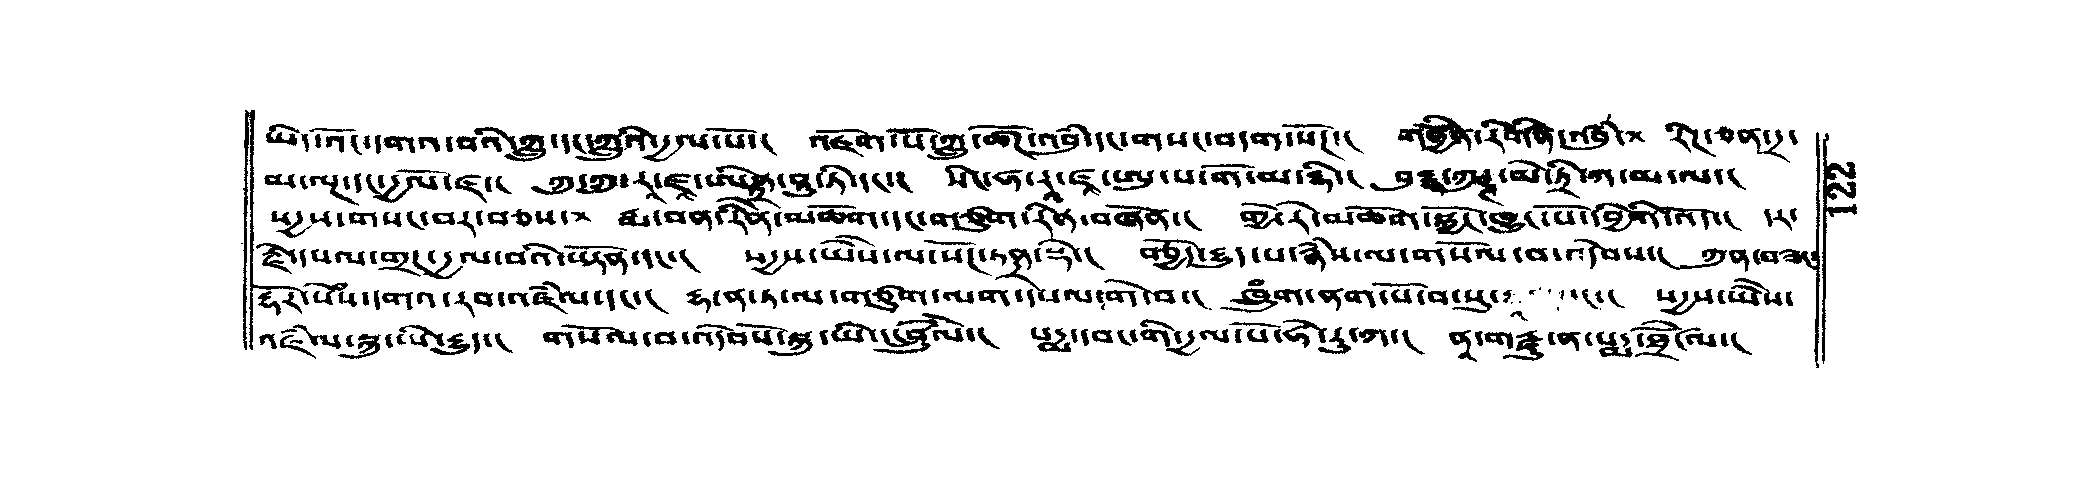།ཡིད་འོང་དགའ་བའི་ཀླུ་དང་ཀླུའི་རྒྱལ་པོ། །འཇོག་པོ་ཀླུ་ཚོགས་འབུམ་དང་གསང་བདག་སོགས། །གནོད་སྦྱིན་རིག་འཛིན་འབུམ༴།རིགས་ཅན་དྲྭ་
མ་ལྔ་དང་རྒྱལ་པོ་ཛཱ། །ཀུ་ཀུ་རཱ་ཛཱ་ཨིནྟྲ་བཱུ་ཏི་དང་། །སིང་ཧ་རཱ་ཛཱ་ཨུ་པ་གོ་མ་དྷི། །བུདྡྷ་ཀུཊྚ་མེ་ཏྲི་ཀ་མ་ལ། །
སངས་རྒྱས་གསང་བར་བཅས༴ །རྨ་བན་རིན་ཆེན་མཆོག་དང་གཙུག་རིན་བཞོན། །གྱེ་རེ་མཆོག་སྐྱོང་ཁྱུང་པོ་དབྱིག་གི་འོད། །དར་
རྗེ་དཔལ་གྲགས་རྒྱལ་བའི་ཡོན་ཏན་དང་། །སངས་རྒྱས་ཡེ་ཤེས་ལ་སོགས་ཏནྟྲ་སྡེ། །བཅོ་བརྒྱད་རྒྱུད་པ་རྣམས་ལ་གསོལ་བ་འདེབས། །ཀུན་བཟང་
རྡོར་སེམས་དགའ་རབ་འཇམ་དཔལ་དང་། །དྷ་ན་ཏ་ལོ་གཙུག་ལག་དཔལ་དགེ་བ། །ཁྲག་འཐུང་ནག་པོ་བ་སུ་དྷ་ར་དང་། །སངས་རྒྱས་ཡེ་ཤེས་
འཇམ་དཔལ་སྐུ་ཡི་རྒྱུད། །གསོལ་བ་འདེབས་སོ་སྐུ་ཡི་དངོས་གྲུབ་སྩོལ། །པདྨ་དབང་གི་རྒྱལ་པོ་ཧེ་རུ་ཀ། །ནཱ་གརྫུ་ན་པདྨ་ཐོད་ཕྲེང་རྩལ།